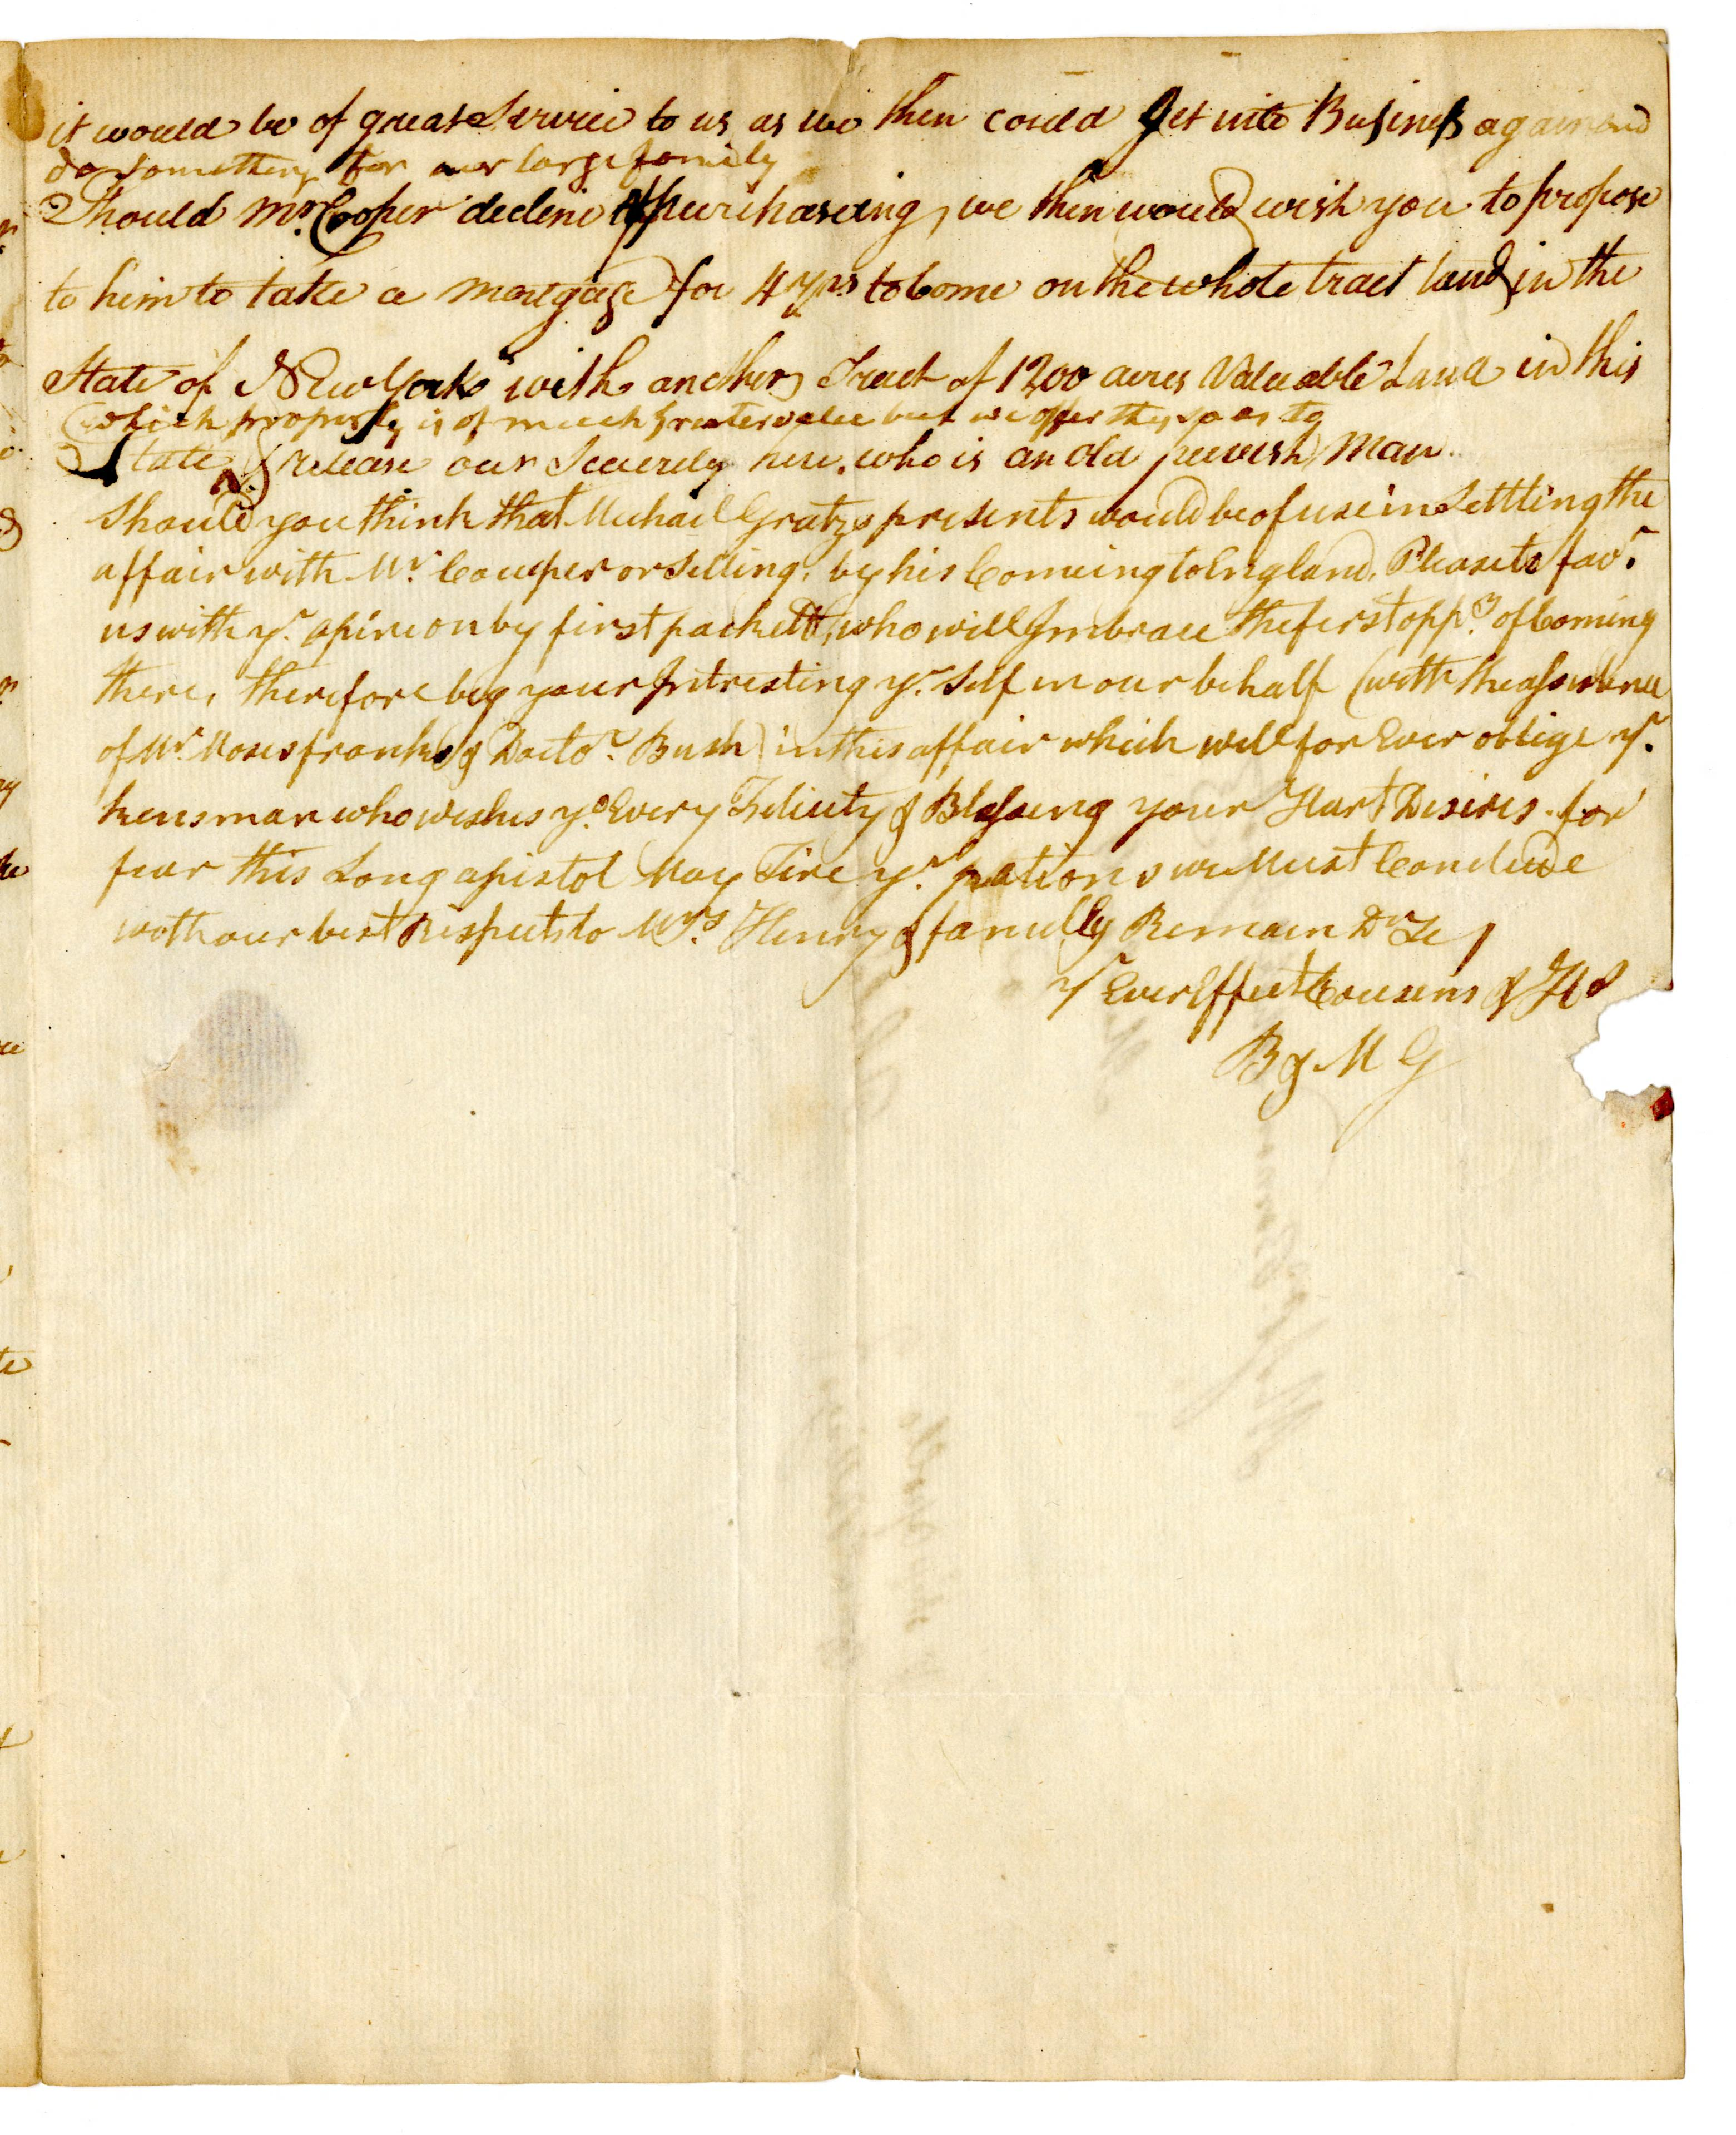it would be of great service to us, as we then could Get into Business again and
do something for our large family
should M^r.Cooper decline & [__] purchasing, we then would wish you to propose
to him to take a mortgage for 4 y^rs to Come on the whole tract land in the
State of New Yorks with another tract of 1200 acres Valuable Land in this
(which property is of much Greater value but we offer thy you to
State & release our security here, who is an old peevish Man
should you think that Michael Gratzs presents would be of use in Settling the
affair with M^r. Couper or Setling by his Coming to England Please to fav^r
us with y^r. opinion first packett, who will embrace thes first opp^y. of Coming
there, therefore beg your Intresting y^r.self in our behalf (with the assurance
of M^r Moses franks g Docto^r. Bush in this affair which will for Ever oblige y^r.
kinsman who wishes y^e. every Felicity of Blessing your Hart Desires for
fear this Long apistol may Tire y^r. patience must conclude
with our best Rispects to M^rs. Henry & familly Remain D^r Sr
Y^r ever Effect & Cousin & Hl^e
BgMG